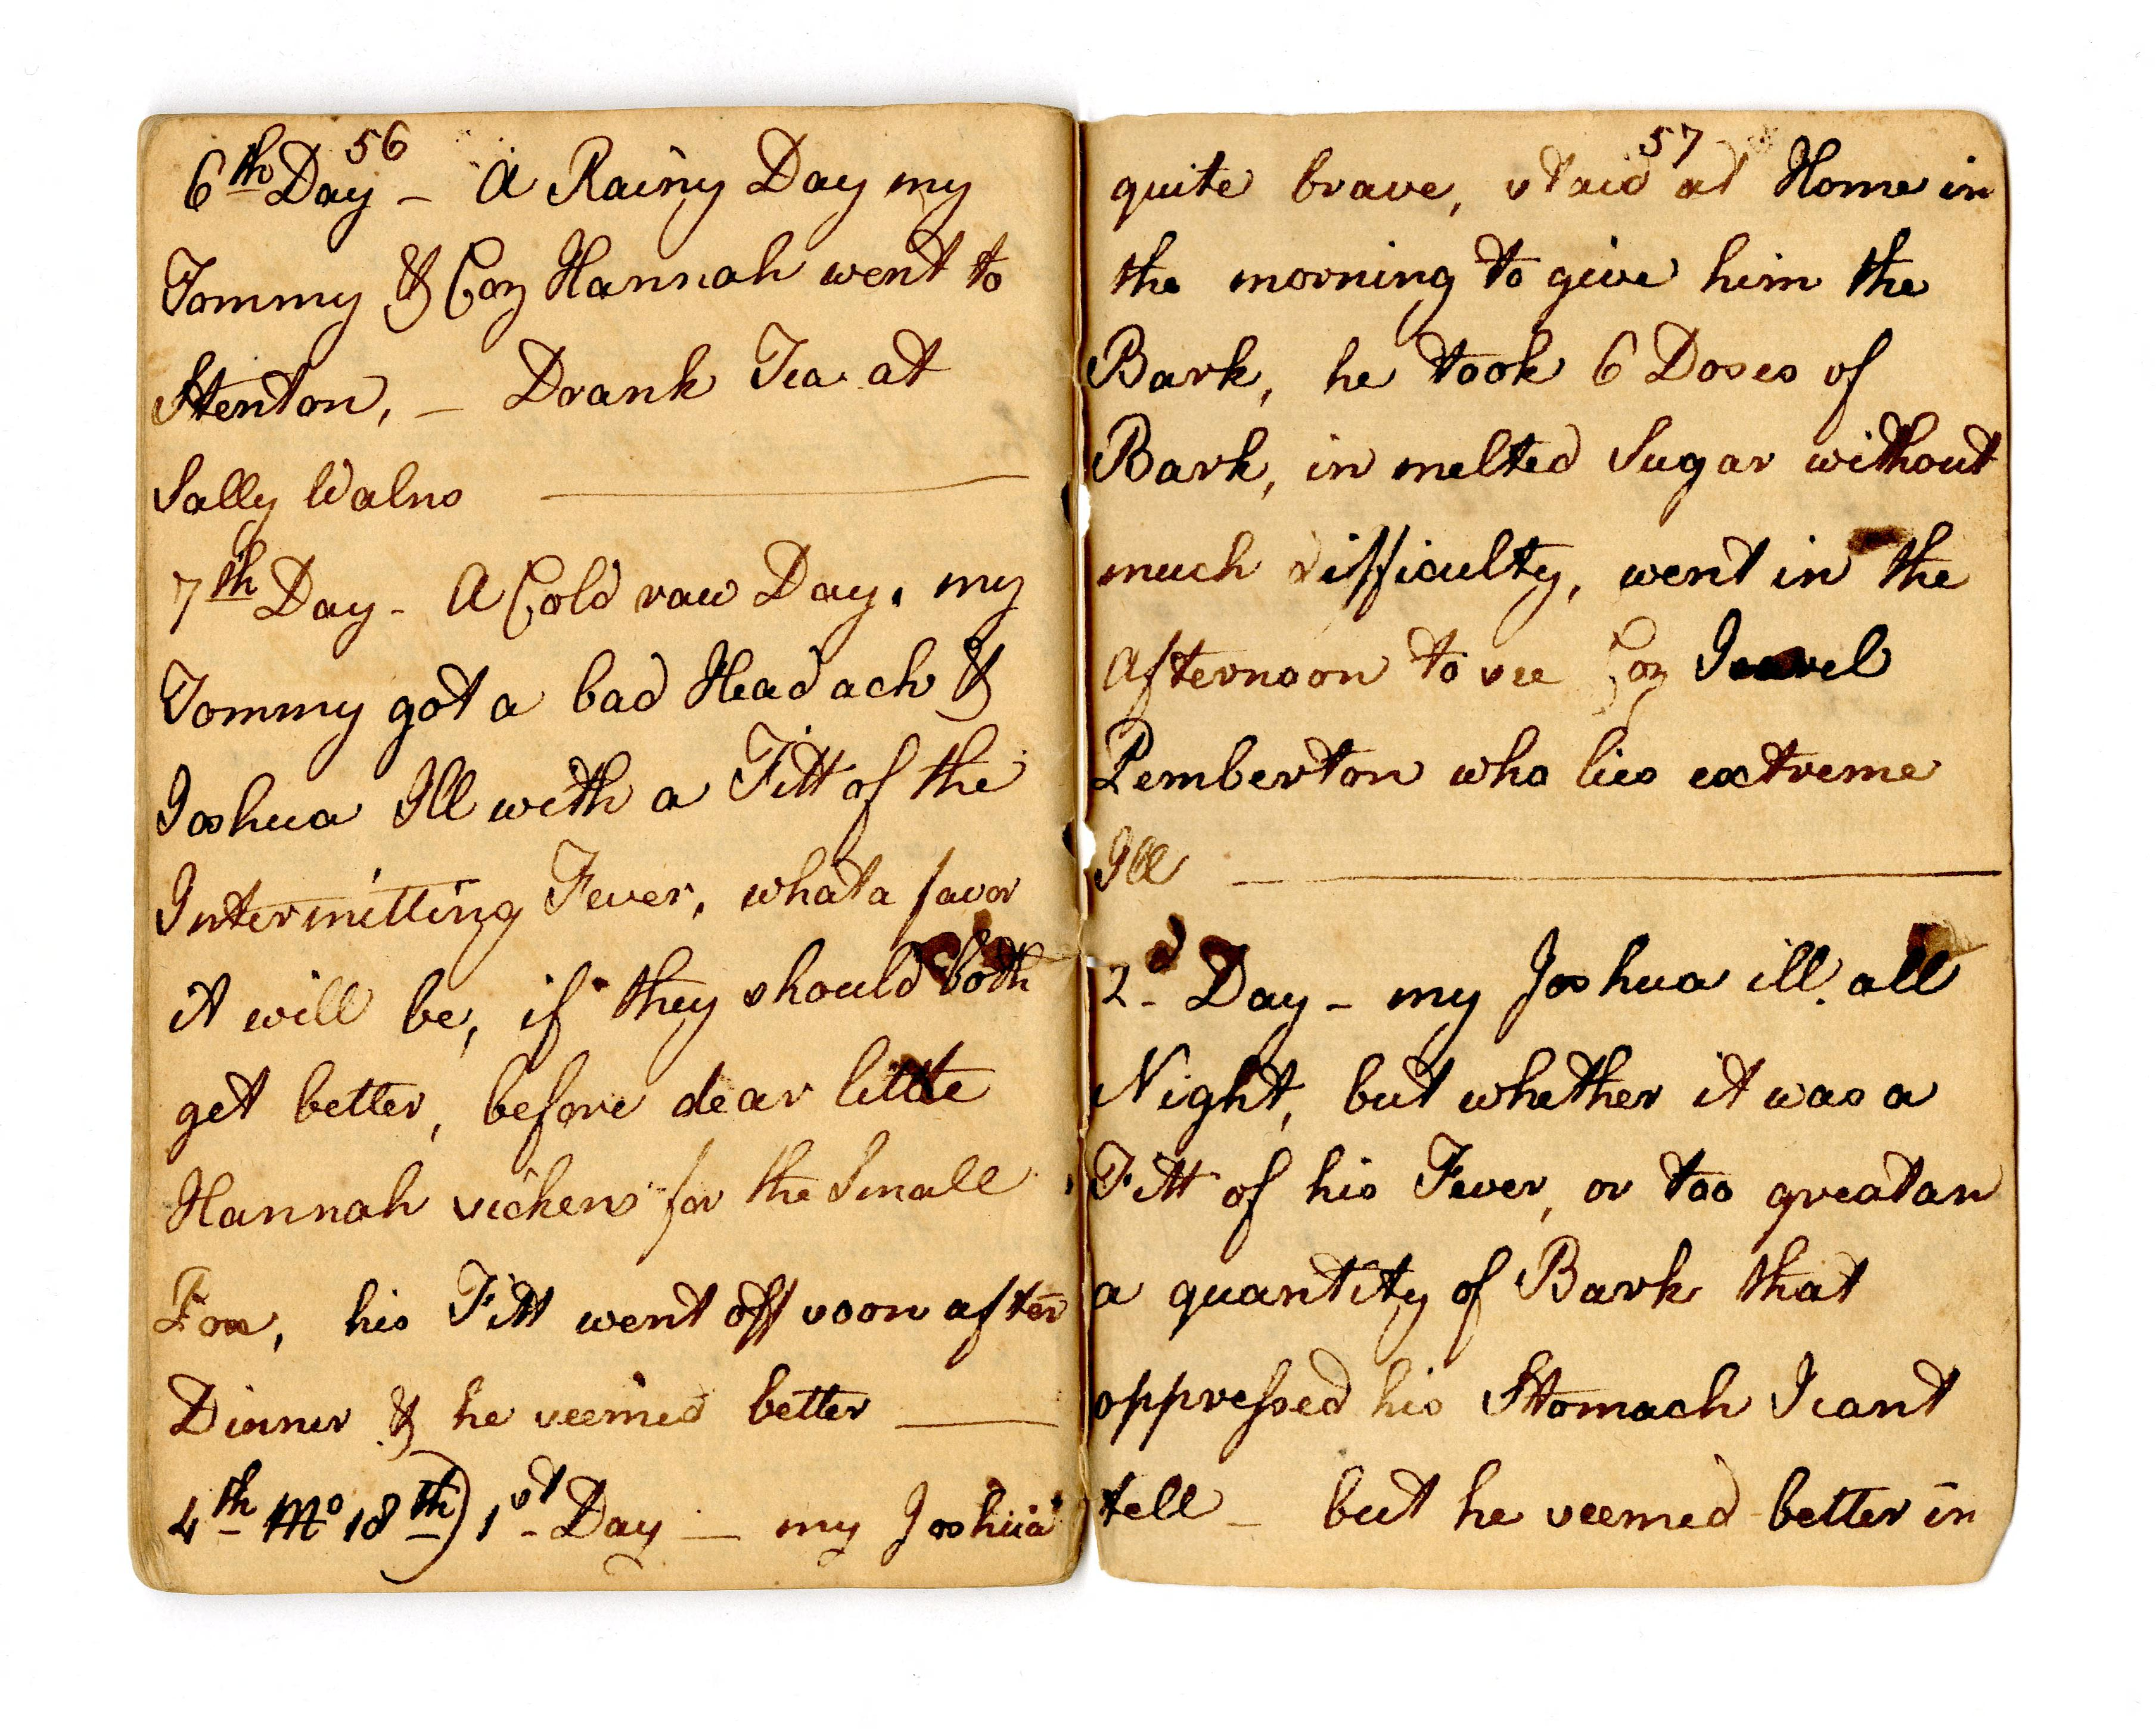56
6^th Day- a Rainy Day my
Tommy & Coz Hannah went to
Stenton,- Drank Tea at
Sally Walns
7^th Day- A Cold raw Day, my
Tommy got a bad Head ach &
Joshua Ill with a Fitt of the
Intermitting Fever, what a favor
it will be, if they should both
get better, before dear little
Hannah sickens for the Small
Pox, his Fitt went off soon after
Dinner & he seemed better-
4^th M^o 18^th) 1^st Day- my Joshua
57
quite brave, staid at Home in
the morning to give him the
Bark, he took 6 Doses of
Bark, in melted Sugar without
much difficulty, went in the
Afternoon to see Coz Isarel
Pemberton who lies extreme
Ill-
2^d. Day- my Joshua ill all
Night, but whether it was a
Fitt of his Fever, or too great an
a quantity of Bark that
oppressed his Stomach I cant
tell- but he seemed better in